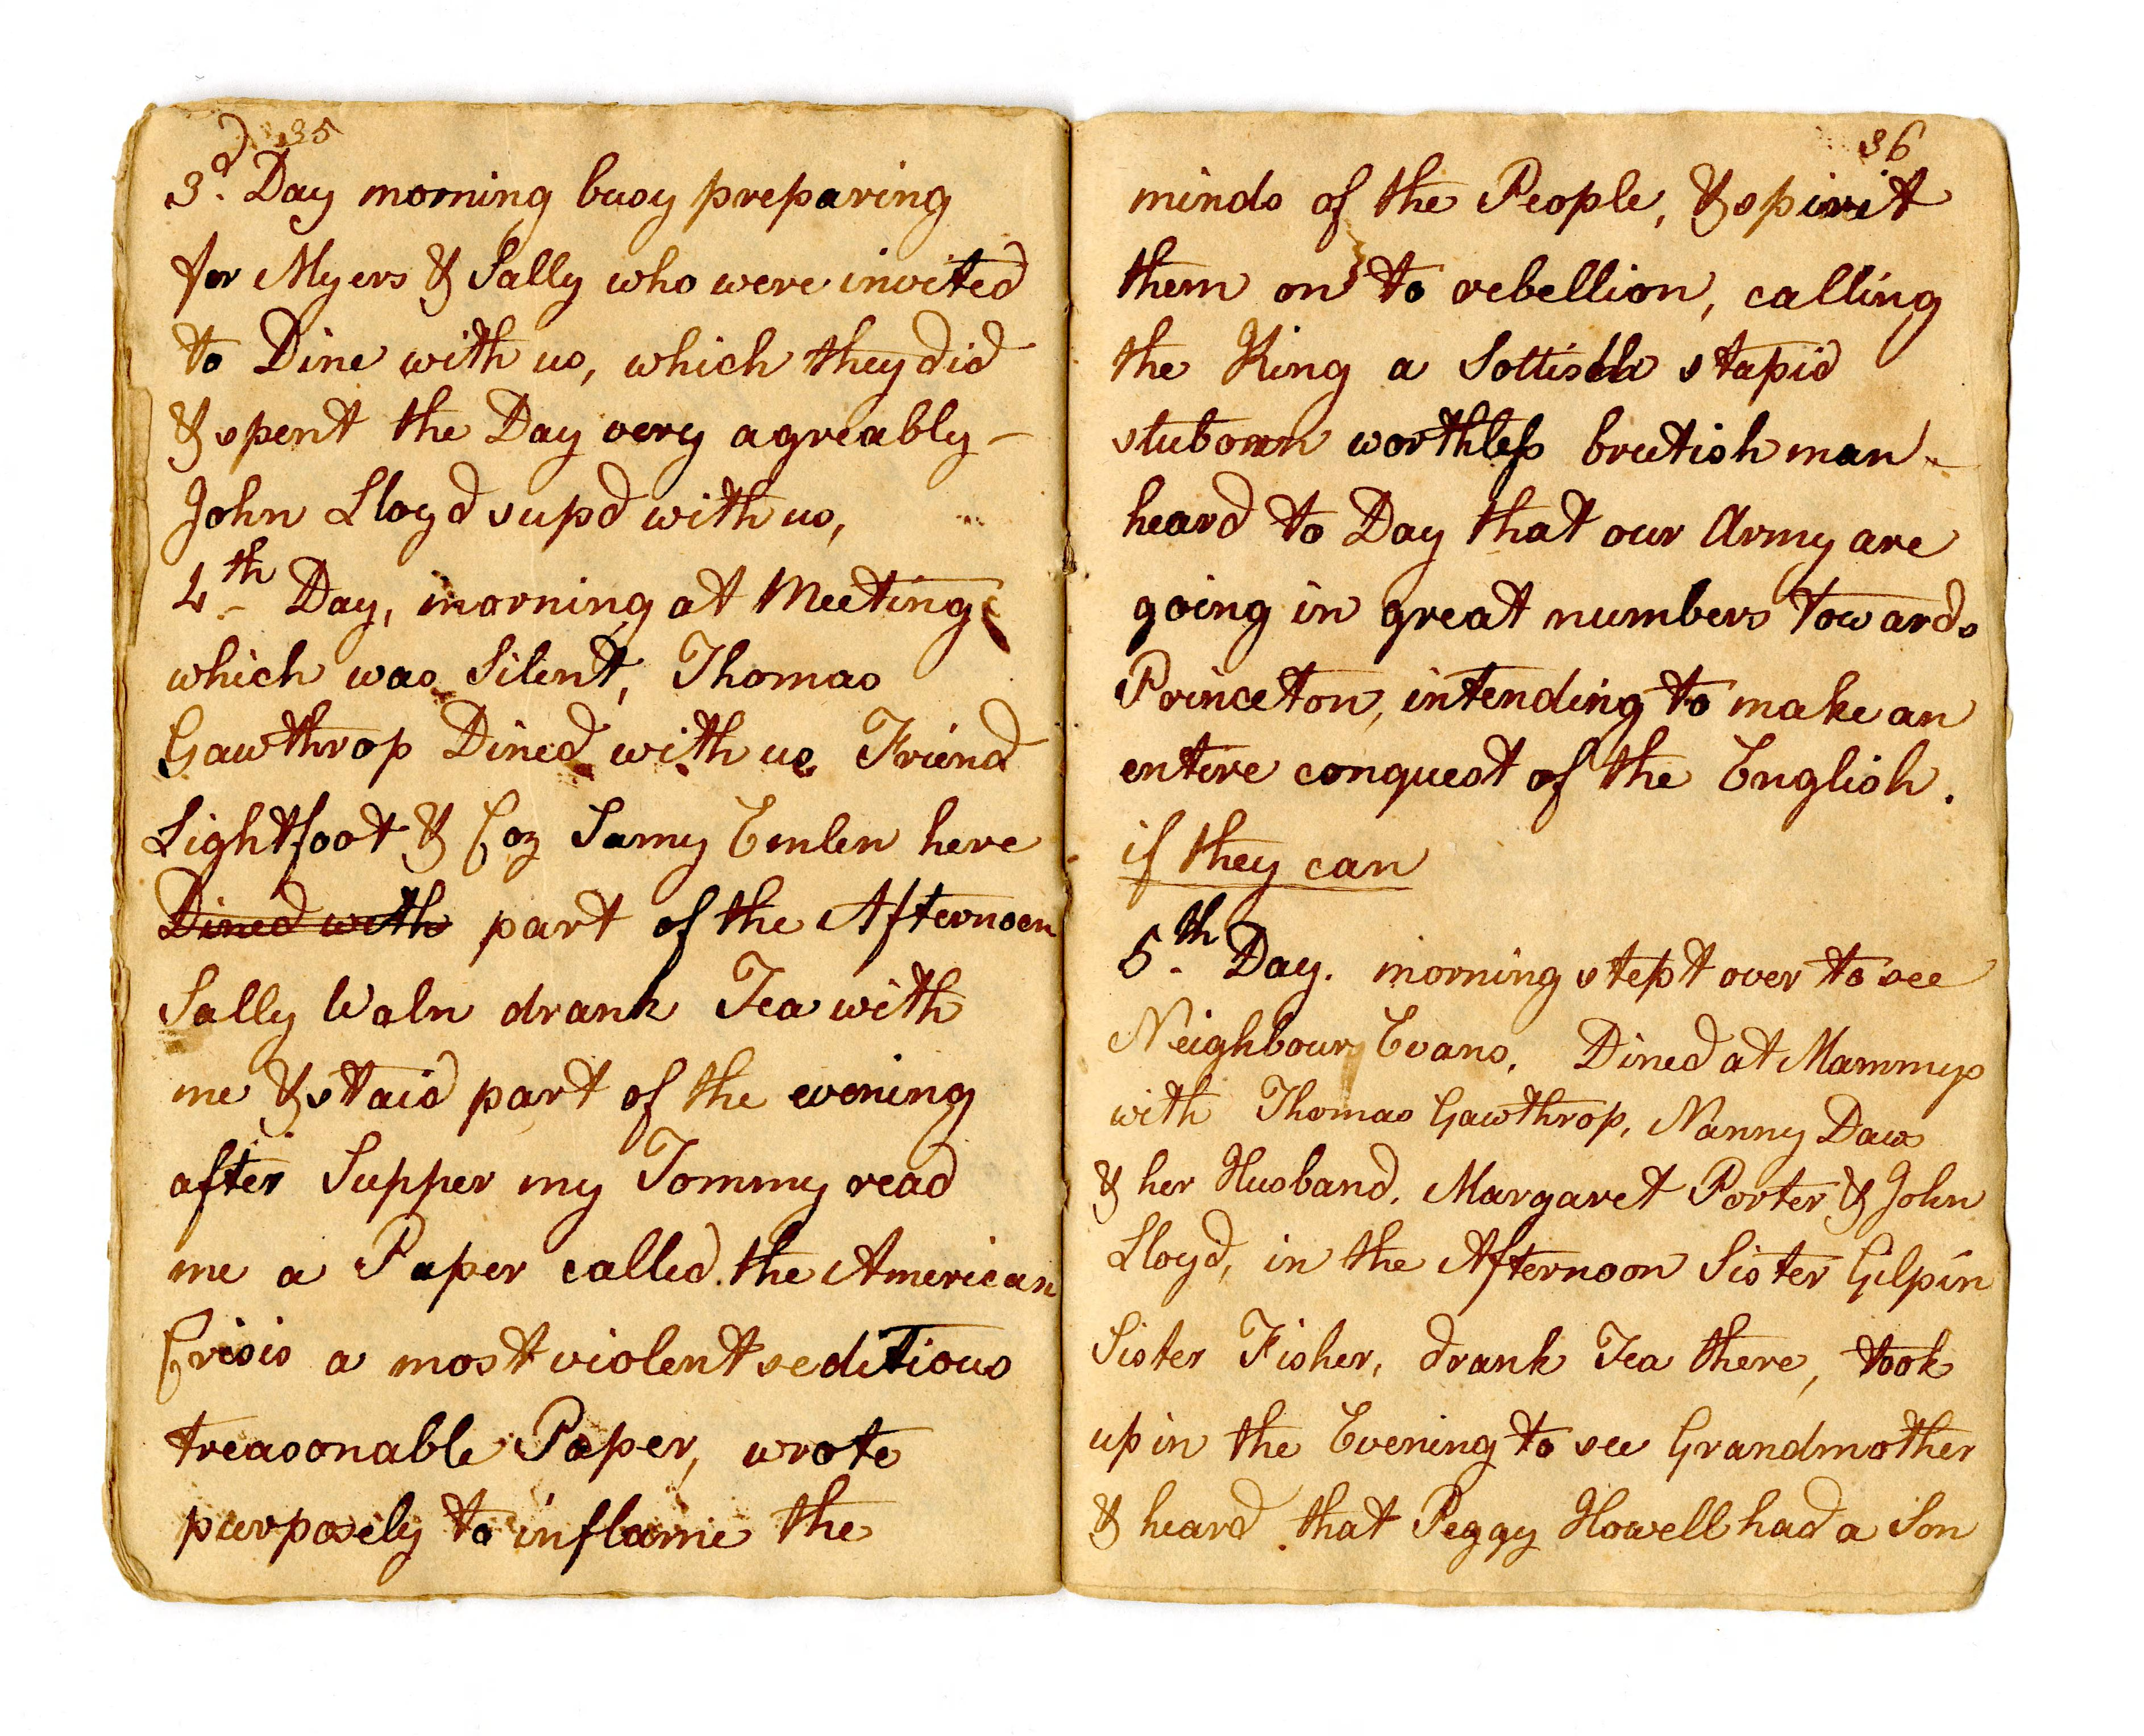35
3^d. Day morning busy preparing
for Myers & Sally who were invited
to Dine with us, which they did
& spent the Day very agreably-
John Lloyd supd with us,
4^th Day, morning at Meetings
which was Silent, Thomas
Gawthrop Dined with us Friend
Lightfoot & Coz Samy Emlen here
[Dined with] part of the Afternoon
Sally Waln drank Tea with
me & staid part of the evening
after Supper my Tommy read
me a Paper called the American
Crisis a most violent seditious
treasonable Paper, wrote
purposely to inflame the
36
minds of the People, & spirit
them on to rebellion, calling
the King a Sottisll stupid
stubborn worthless brutish man -
heard to Day that our Army are
going in great number towards
Princeton, intending to make an
entire conquest of the English.
if they can-
5^th Day. morning stept over to see
Neighbor Evans, Dined at Mammys
with Thomas Gawthrop, Nancy Daws
& her Husband, Margaret Porter & John
Lloyd, in the Afternoon Sister Gilpin
Sister Fisher, drank Tea there, took
up in the Evening to see Grandmother
& heard that Peggy Howell had a Son